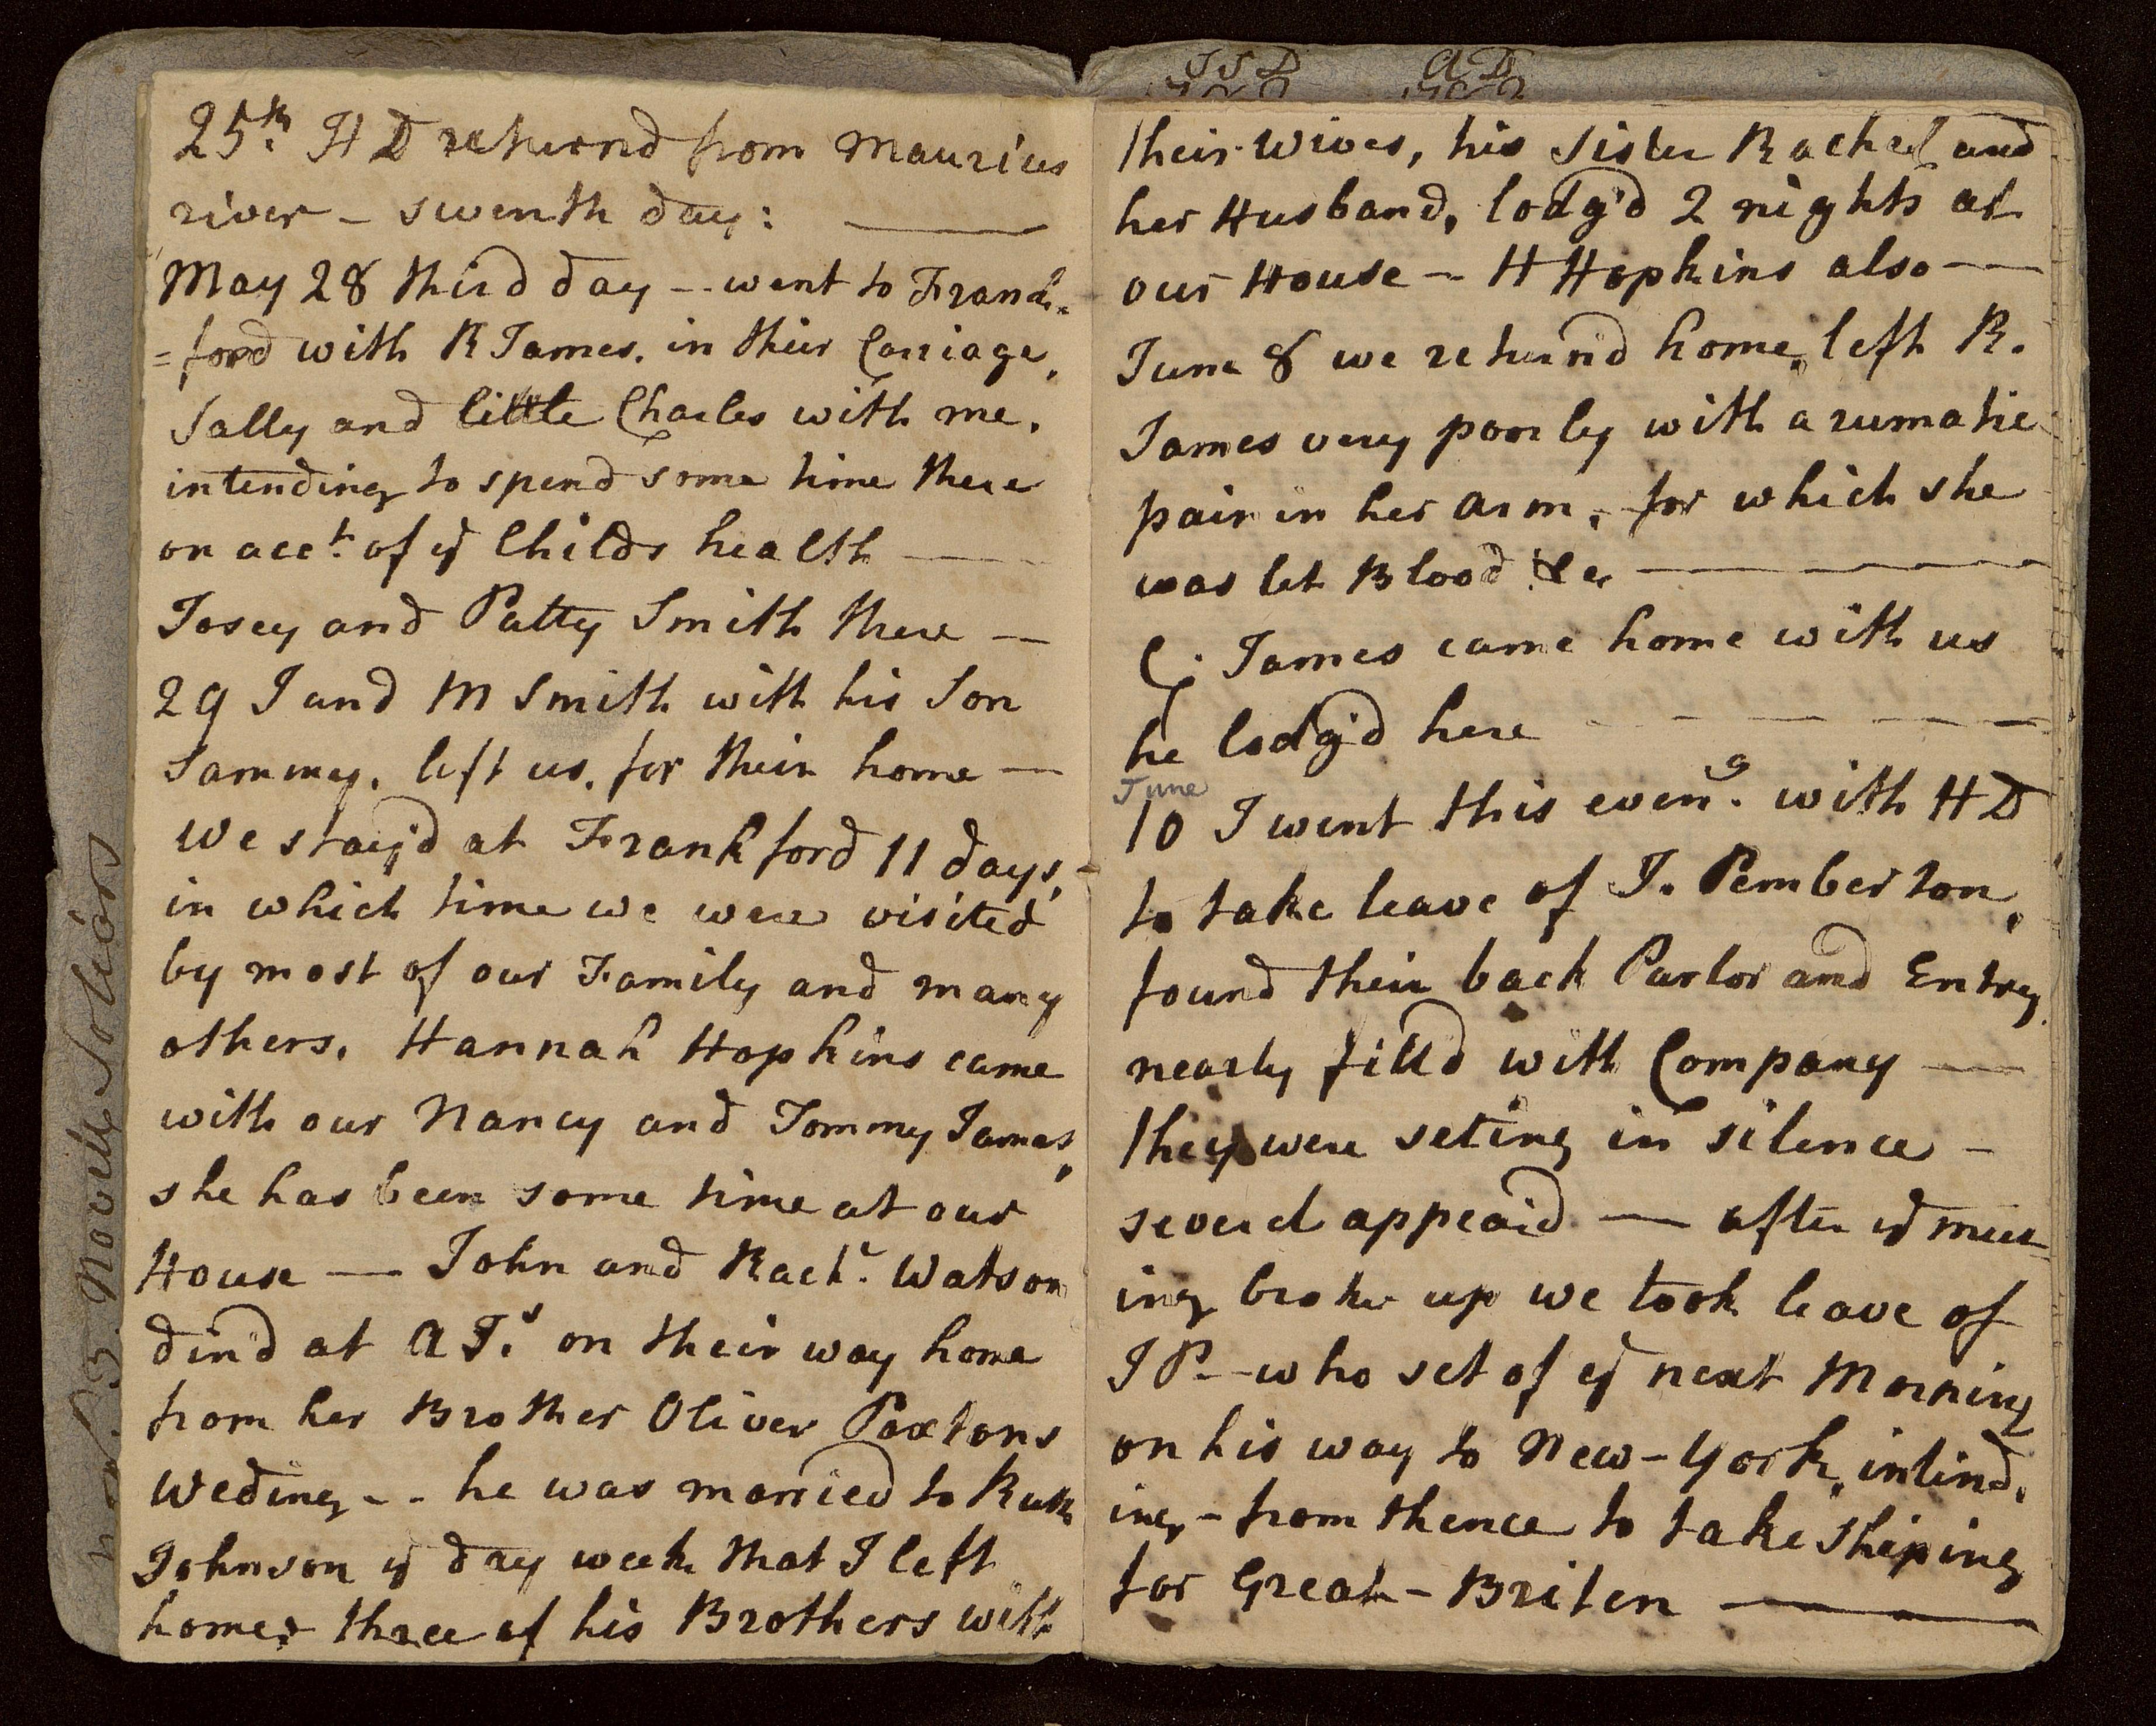25^th. HD returnd from Maurius
River- seventh day:
May 28 third day- went to Frank-
-ford with R James, in their Carriage,
Sally and little Charles with me,
intending to spend some time there
on acc^t. of y^e Childs health-
Josey and Patty Smith there-
29 J and M Smith with his Son
Sammy, left us, for their home-
we stay'd at Frankford 11 days,
in which time we were visited
by most of our Family and many
others, Hannah Hopkins came
with our Nancy and Tommy James,
she has been some time at our
House- John and Rach^l. Watson
din'd at AJ^s, on their way home
from her Brother Oliver Paxtons
Weding-- he was married to Ruth
Johnson y^e day week that I left
homes three of his Brothers with
their Wives, his Sister Rachel and
her Husband, lodg'd 2 nights at
our House- H Hopkins also-
June 8 we return'd home left R.
James very poorly with a rumatic
pain in her arm, for which she
was let Blood &c -
C. James came home with us
he lodg'd here
10 I went this even^g. with HD
to take leave of J. Pemberton,
found their back Parlor and Entry
nearly filld with Company-
they were seting in silence-
several appear'd- after y^e meet
ing broke up we took leave of
JP- who set of y^e next Morning
on his way to New- York, intind-
ing- from thence to take shiping
for Great-Britan